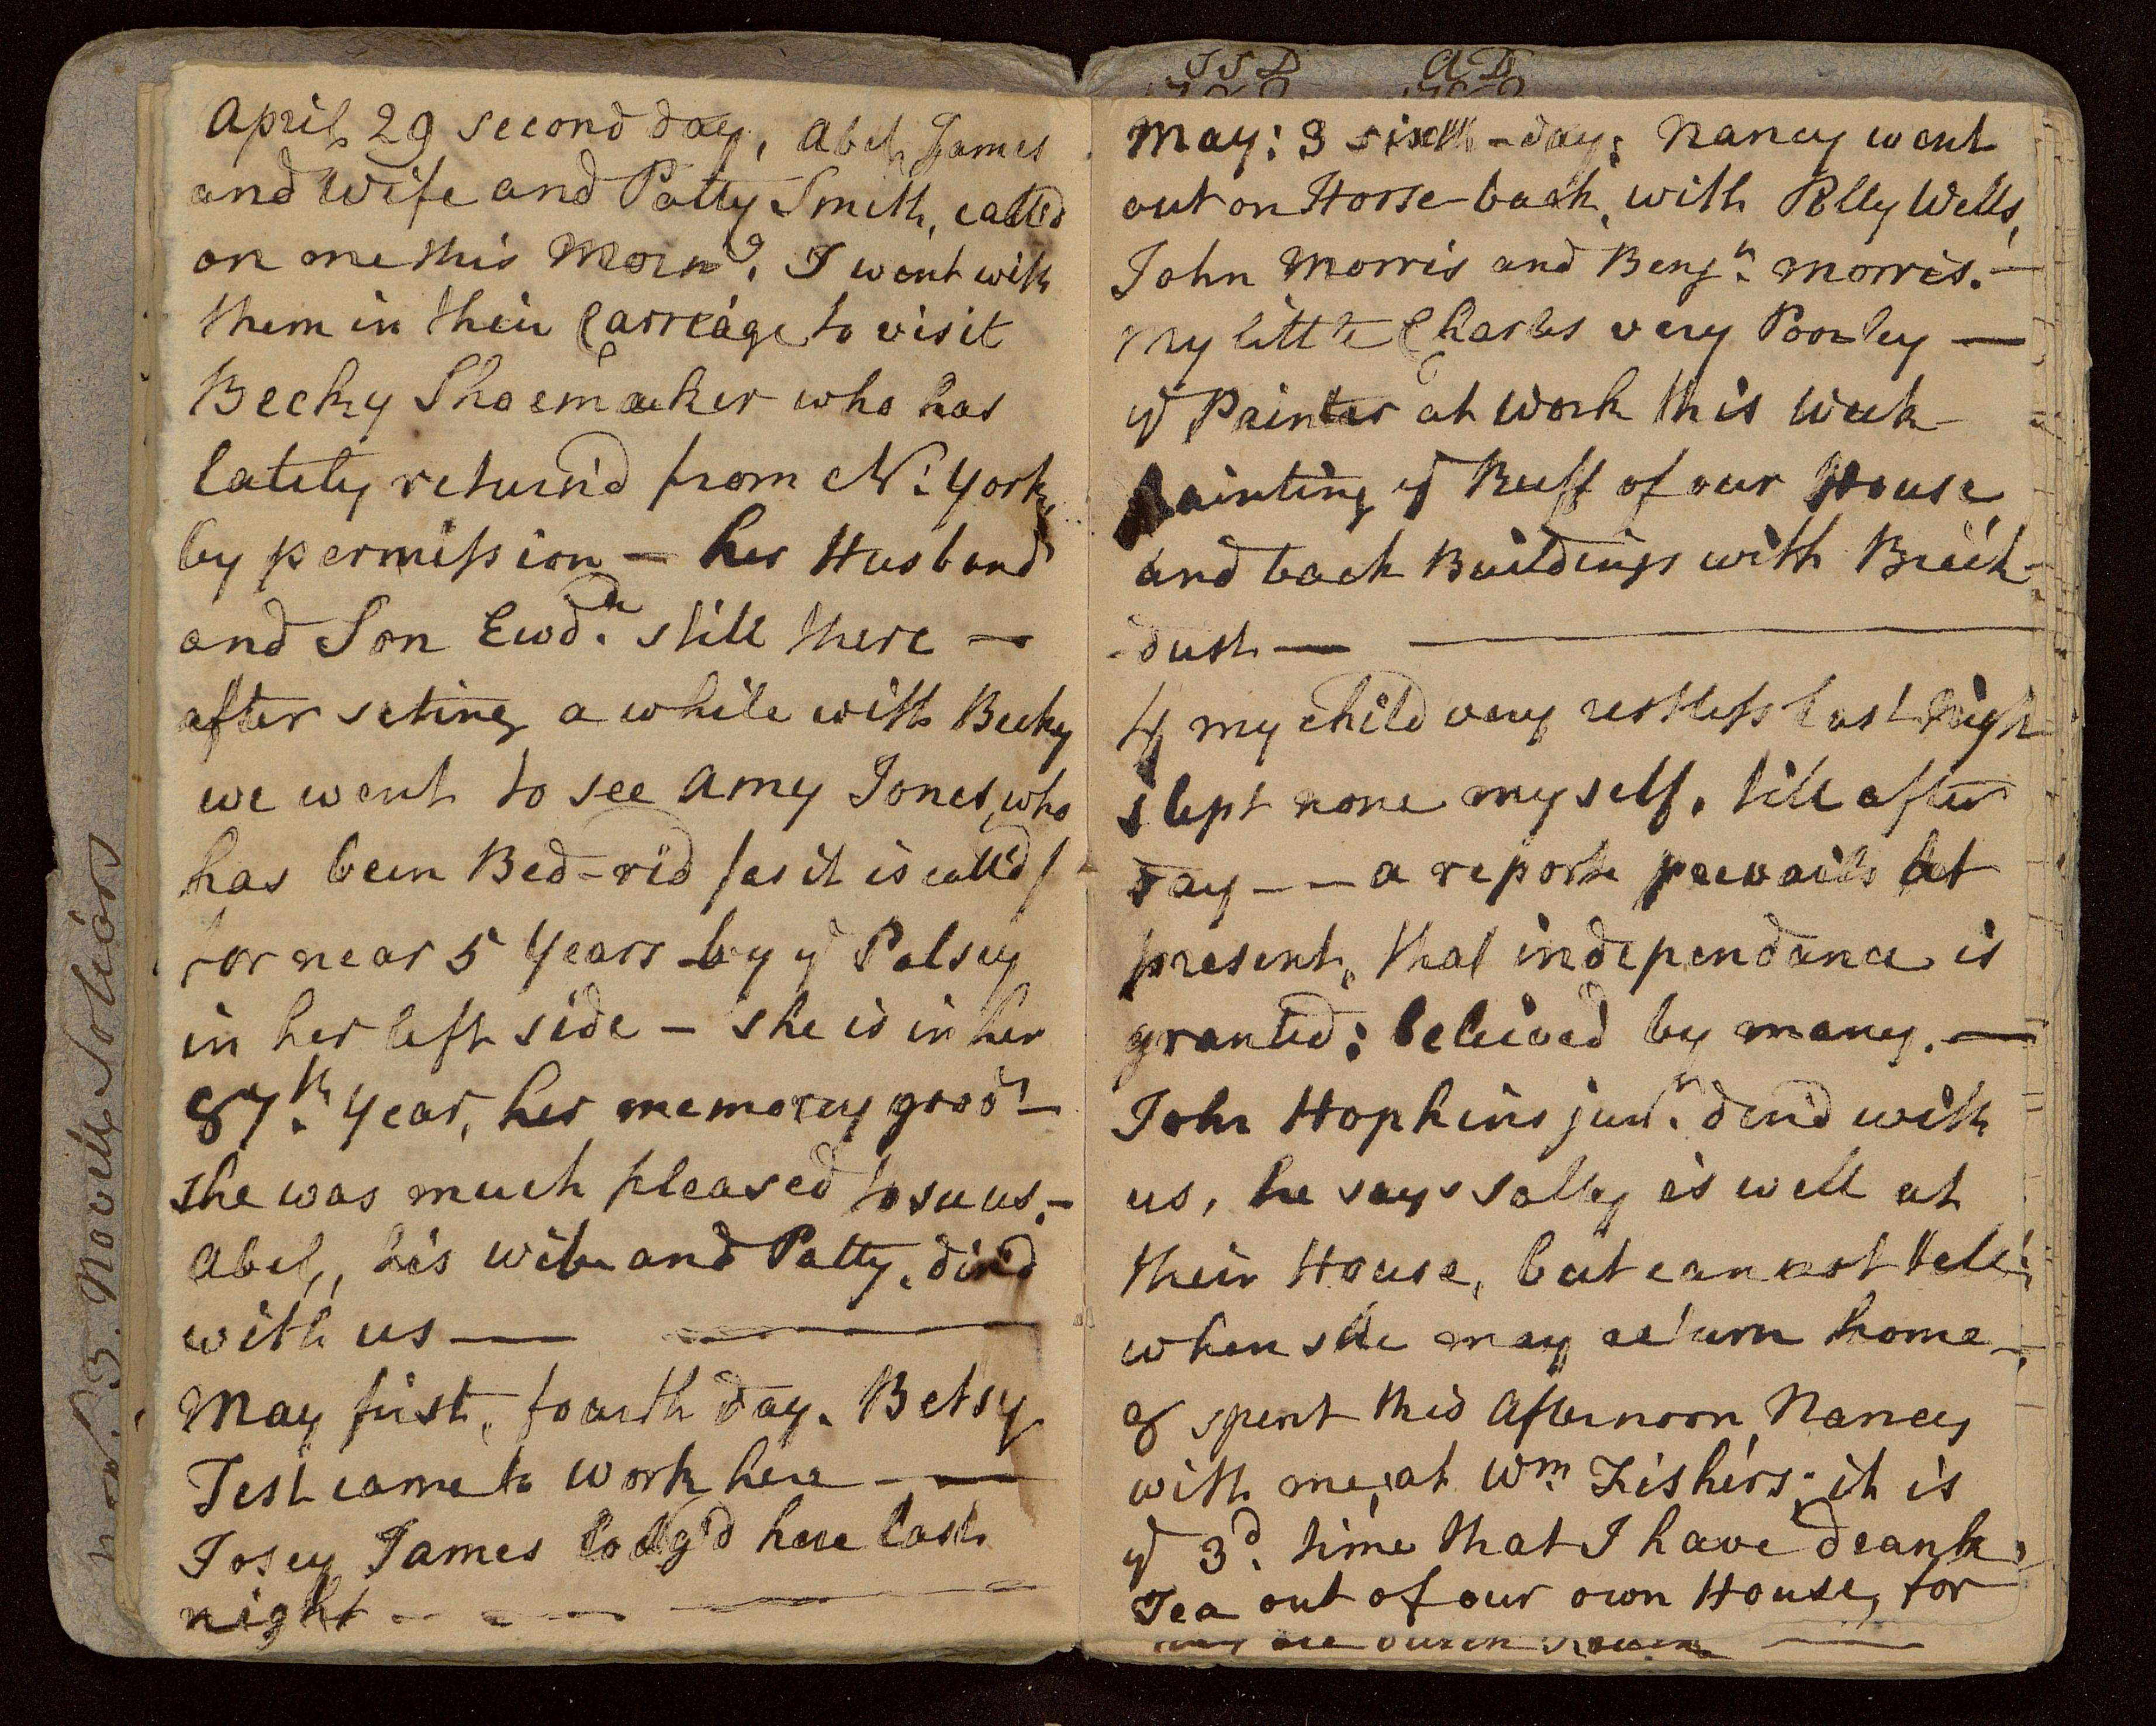April 29 second day, Abel James
and Wife and Patty Smith, called
on one this Morn^g. I went with
them in their Carriage to visit
Becky Shoemaker who has
lately return'd from N: York
by permission- her Husband
and Son Ewd^n. still there-
after seting a while with Becky
we went to see Amy Jones who
has been Bed-rid /as it is call'd/
for near 5 Years by y^e Palsey
in her left side- she is in her
87^th. Year, her memorey good-
she was much pleased to see us-
Abel, his wife and Patty, din'd
with us-
May first, fourth day. Betsy
Test came to work here-
Josey James lodg'd here last
night---
May: 3 sixth- day: Nancy went
out on Horse back, with Polly Wells
John Morris and Benj^n Morris.-
my little Charles very Poorly-
y^e Painter at work this week-
painting y^e Ruff of our House
and back Buildings with Brick-
-dust -
4 my child very restless last nigh
slept none myself, till after
day-- & report prevails at
present, that independance is
granted; beleived by many-
John Hopkins jun^r. din'd with
us, be says Sally is well at
their House, but cannot tell
when she may return home-
& spent this Afternoon, Nancy
with me at W^m Fisher's it is
y^e 3^d. time that I have drank
Tea out of our own House, for